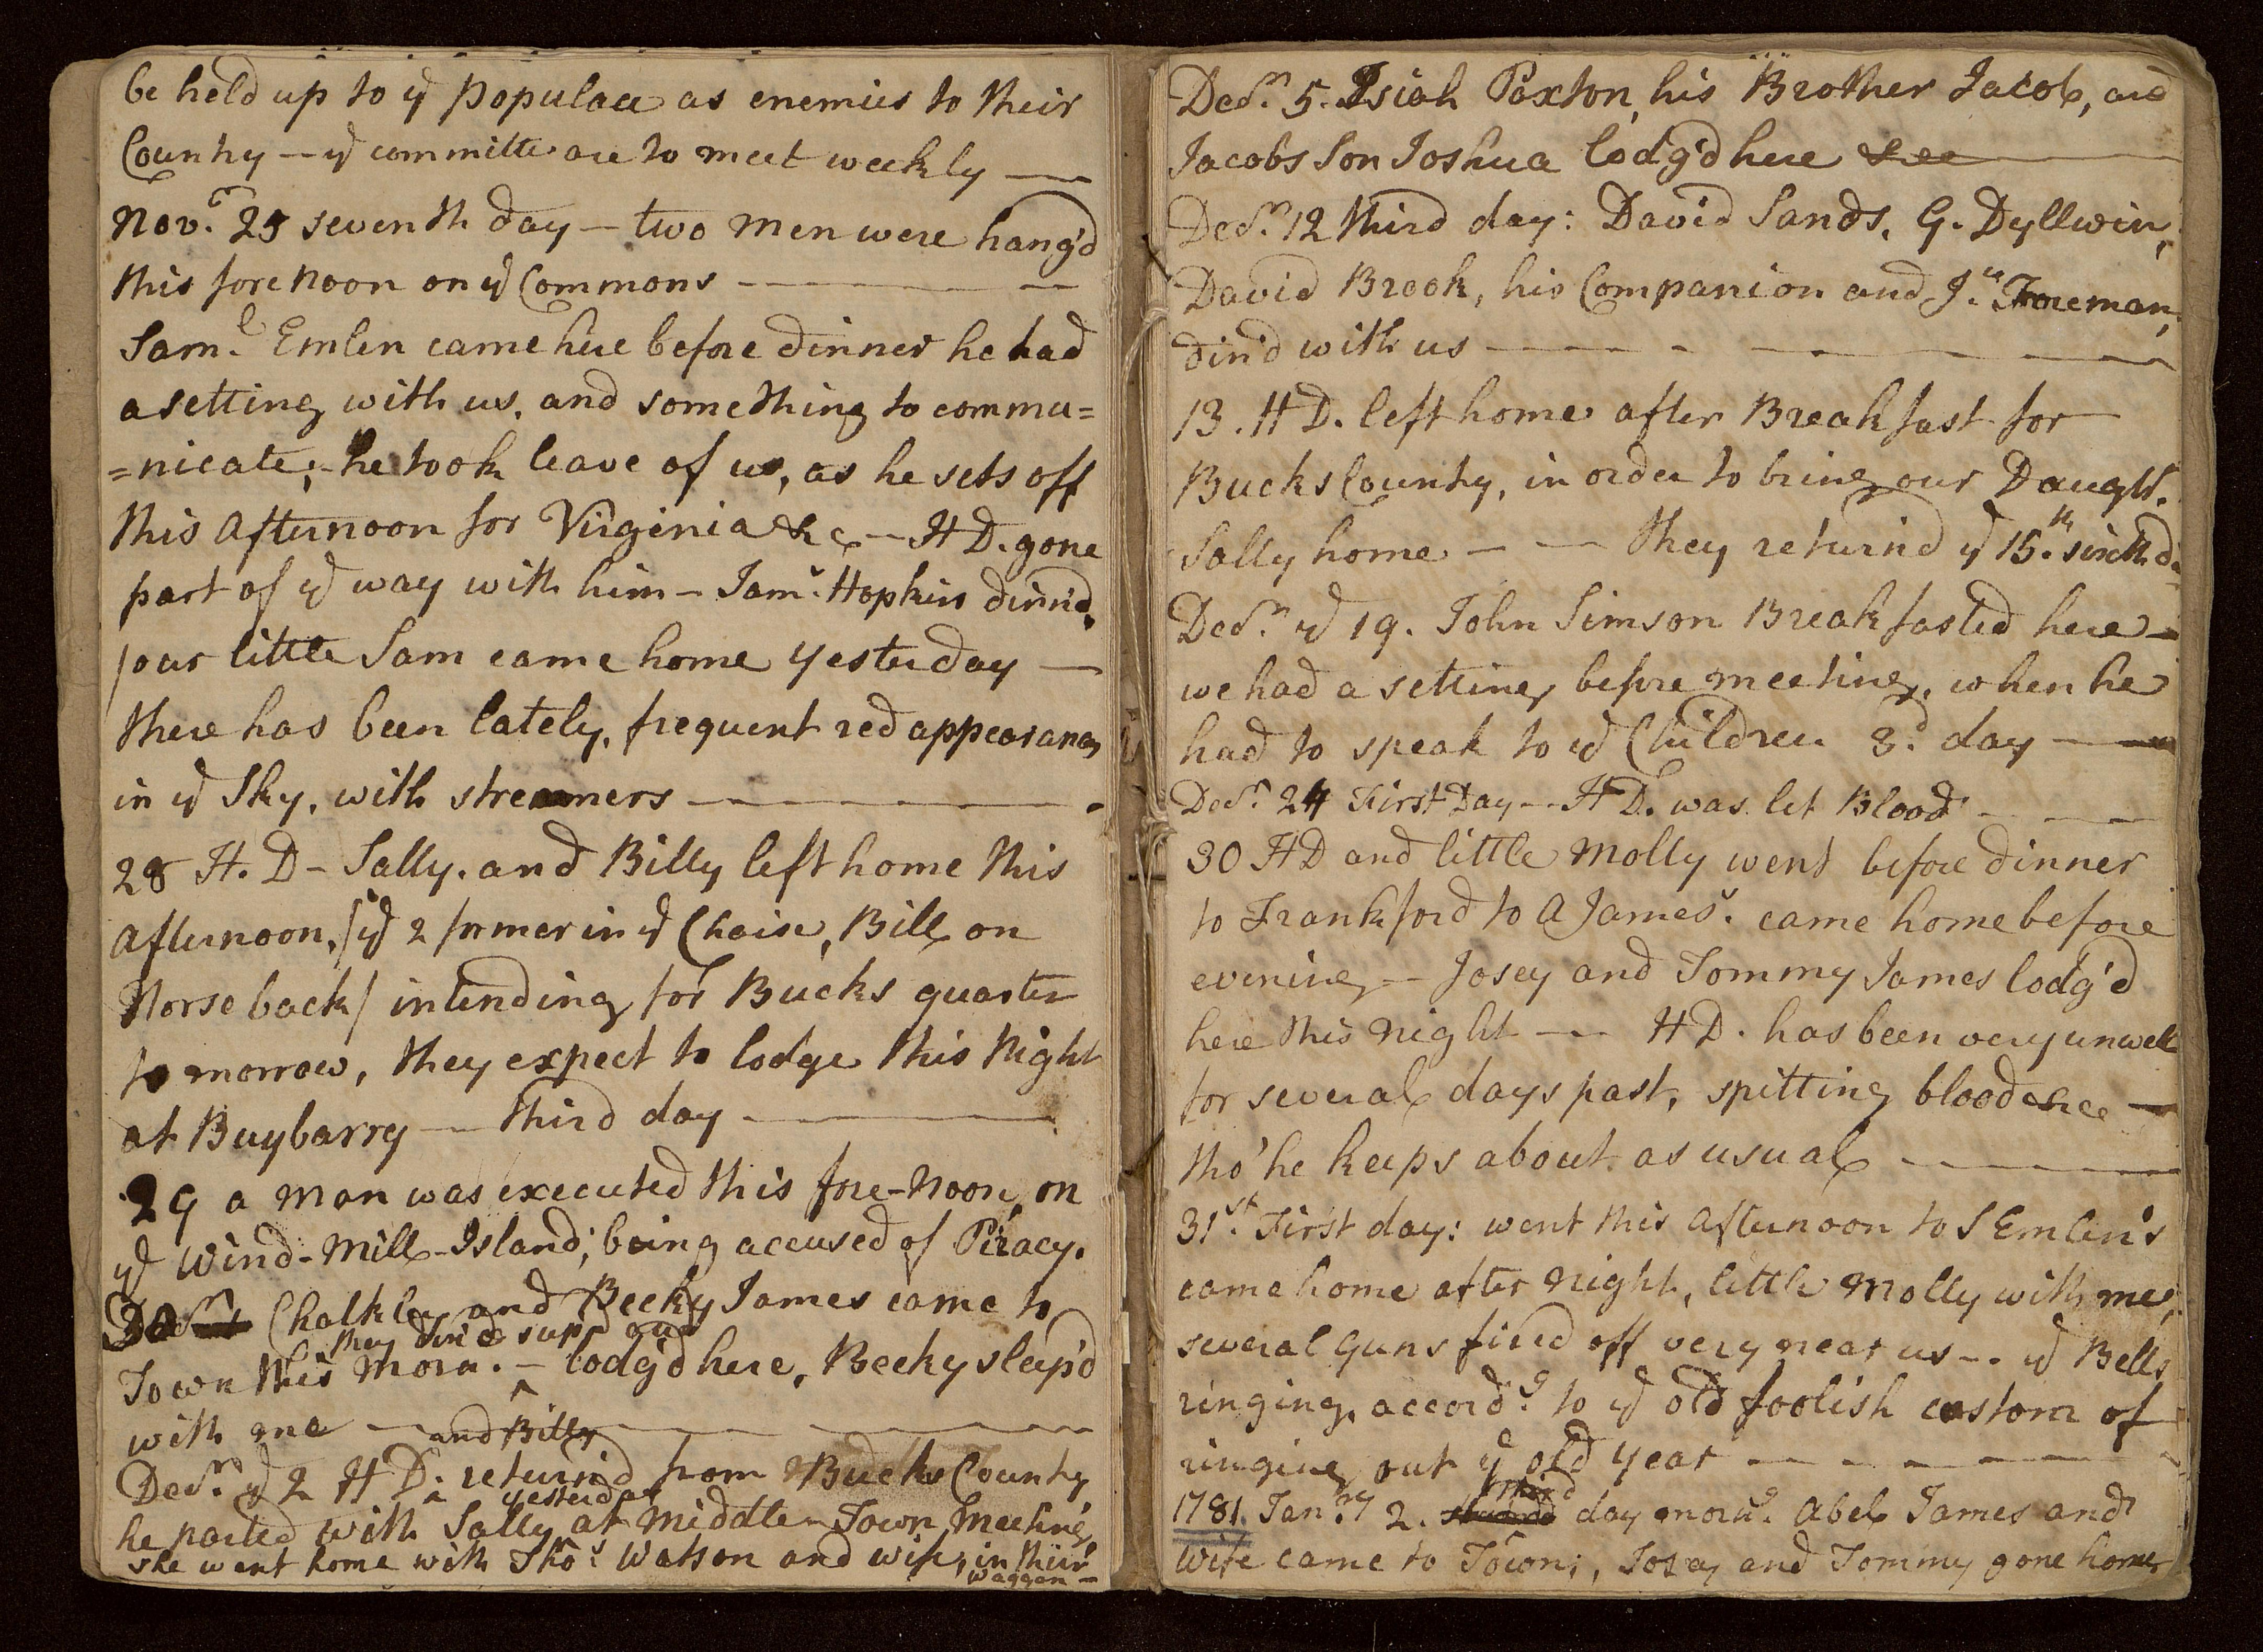be held up to y^e Populace as enemies to their
Country- y^e committe are to meet weekly-
nov.^r 25 seventh day- two men were hang'd
this forenoon on y^e Commons----
Sam^l. Emlen came here before dinner he had
a setting with us, and something to commu-
-nicate; he took leave of us, as he sets off
this Afternoon for Virginia &c-- HD gone
part of y^e way with him- Jam.^s Hopkin dinn'd
/our little Sam came home Yesterday-
there has been lately, frequent red appearances
in y^e Sky, with streamers--
28 H.D- Sally. and Billy left home this
Afternoon, /y^e 2 former in y^e Chaise, Bill on
Horse back/ intending for Bucks quarter
to morrow, they expect to lodge this Night
at Buybarry- third day-
29 a man was executed this fore-noon on
y^e Wind-Mill-Island, being accused of Piracy.
De^r Chalkley and Becky James came to
they din'd sup'd and
Town this morn^g.- lodg'd here, Becky sleep'd
with me- and Betty
Dec^r y^e 2 HD. return'd from Bucks County
a yesterday
he parted with Sally at Middle Town Meeting,
she went home with Tho^s. Watson and wife, in thier
Waggon-
Dec^r. 5 Isiah Paxton, his Brother Jacob, and
Jacobs Son Joshua lodg'd here &c
Dec^r. 12 third day: David Sands, G. Dyllwin
David Brook, his Companion and J^u Foreman,
din'd with us----
13. HD. left home after Breakfast for
Bucks County, in order to bring our Daught,
Sally home.-- they return'd y^e 15^th. sixth d.
Dec^r. y^e 19. John Simson Breakfasted here-
we had a setting before meeting, when he
had to speak to y^e Children 3^d. day-
Dec^r. 24 First Day-. HD. was let Blood---
30 HD and little molly went before dinner
to Frankford to A James^s. came home before
evening,- Josey and Tommy James lodg'd
here this Night-- HD. has been very unwell
for several days past, spitting blood &c-
tho' he keeps about as usual--
31^st. First day: went this afternoon to S Emlen's
came home after night, little Molly with me
several Guns fired off very near us- y^e Bells
ringing accord^g. to y^e old foolish custom of
ringing out y^E old year-- --
third
1781 Jan^ry. 2. [second] day morn^g. Abel James and
wife came to Town; Josey and Tommy gone home